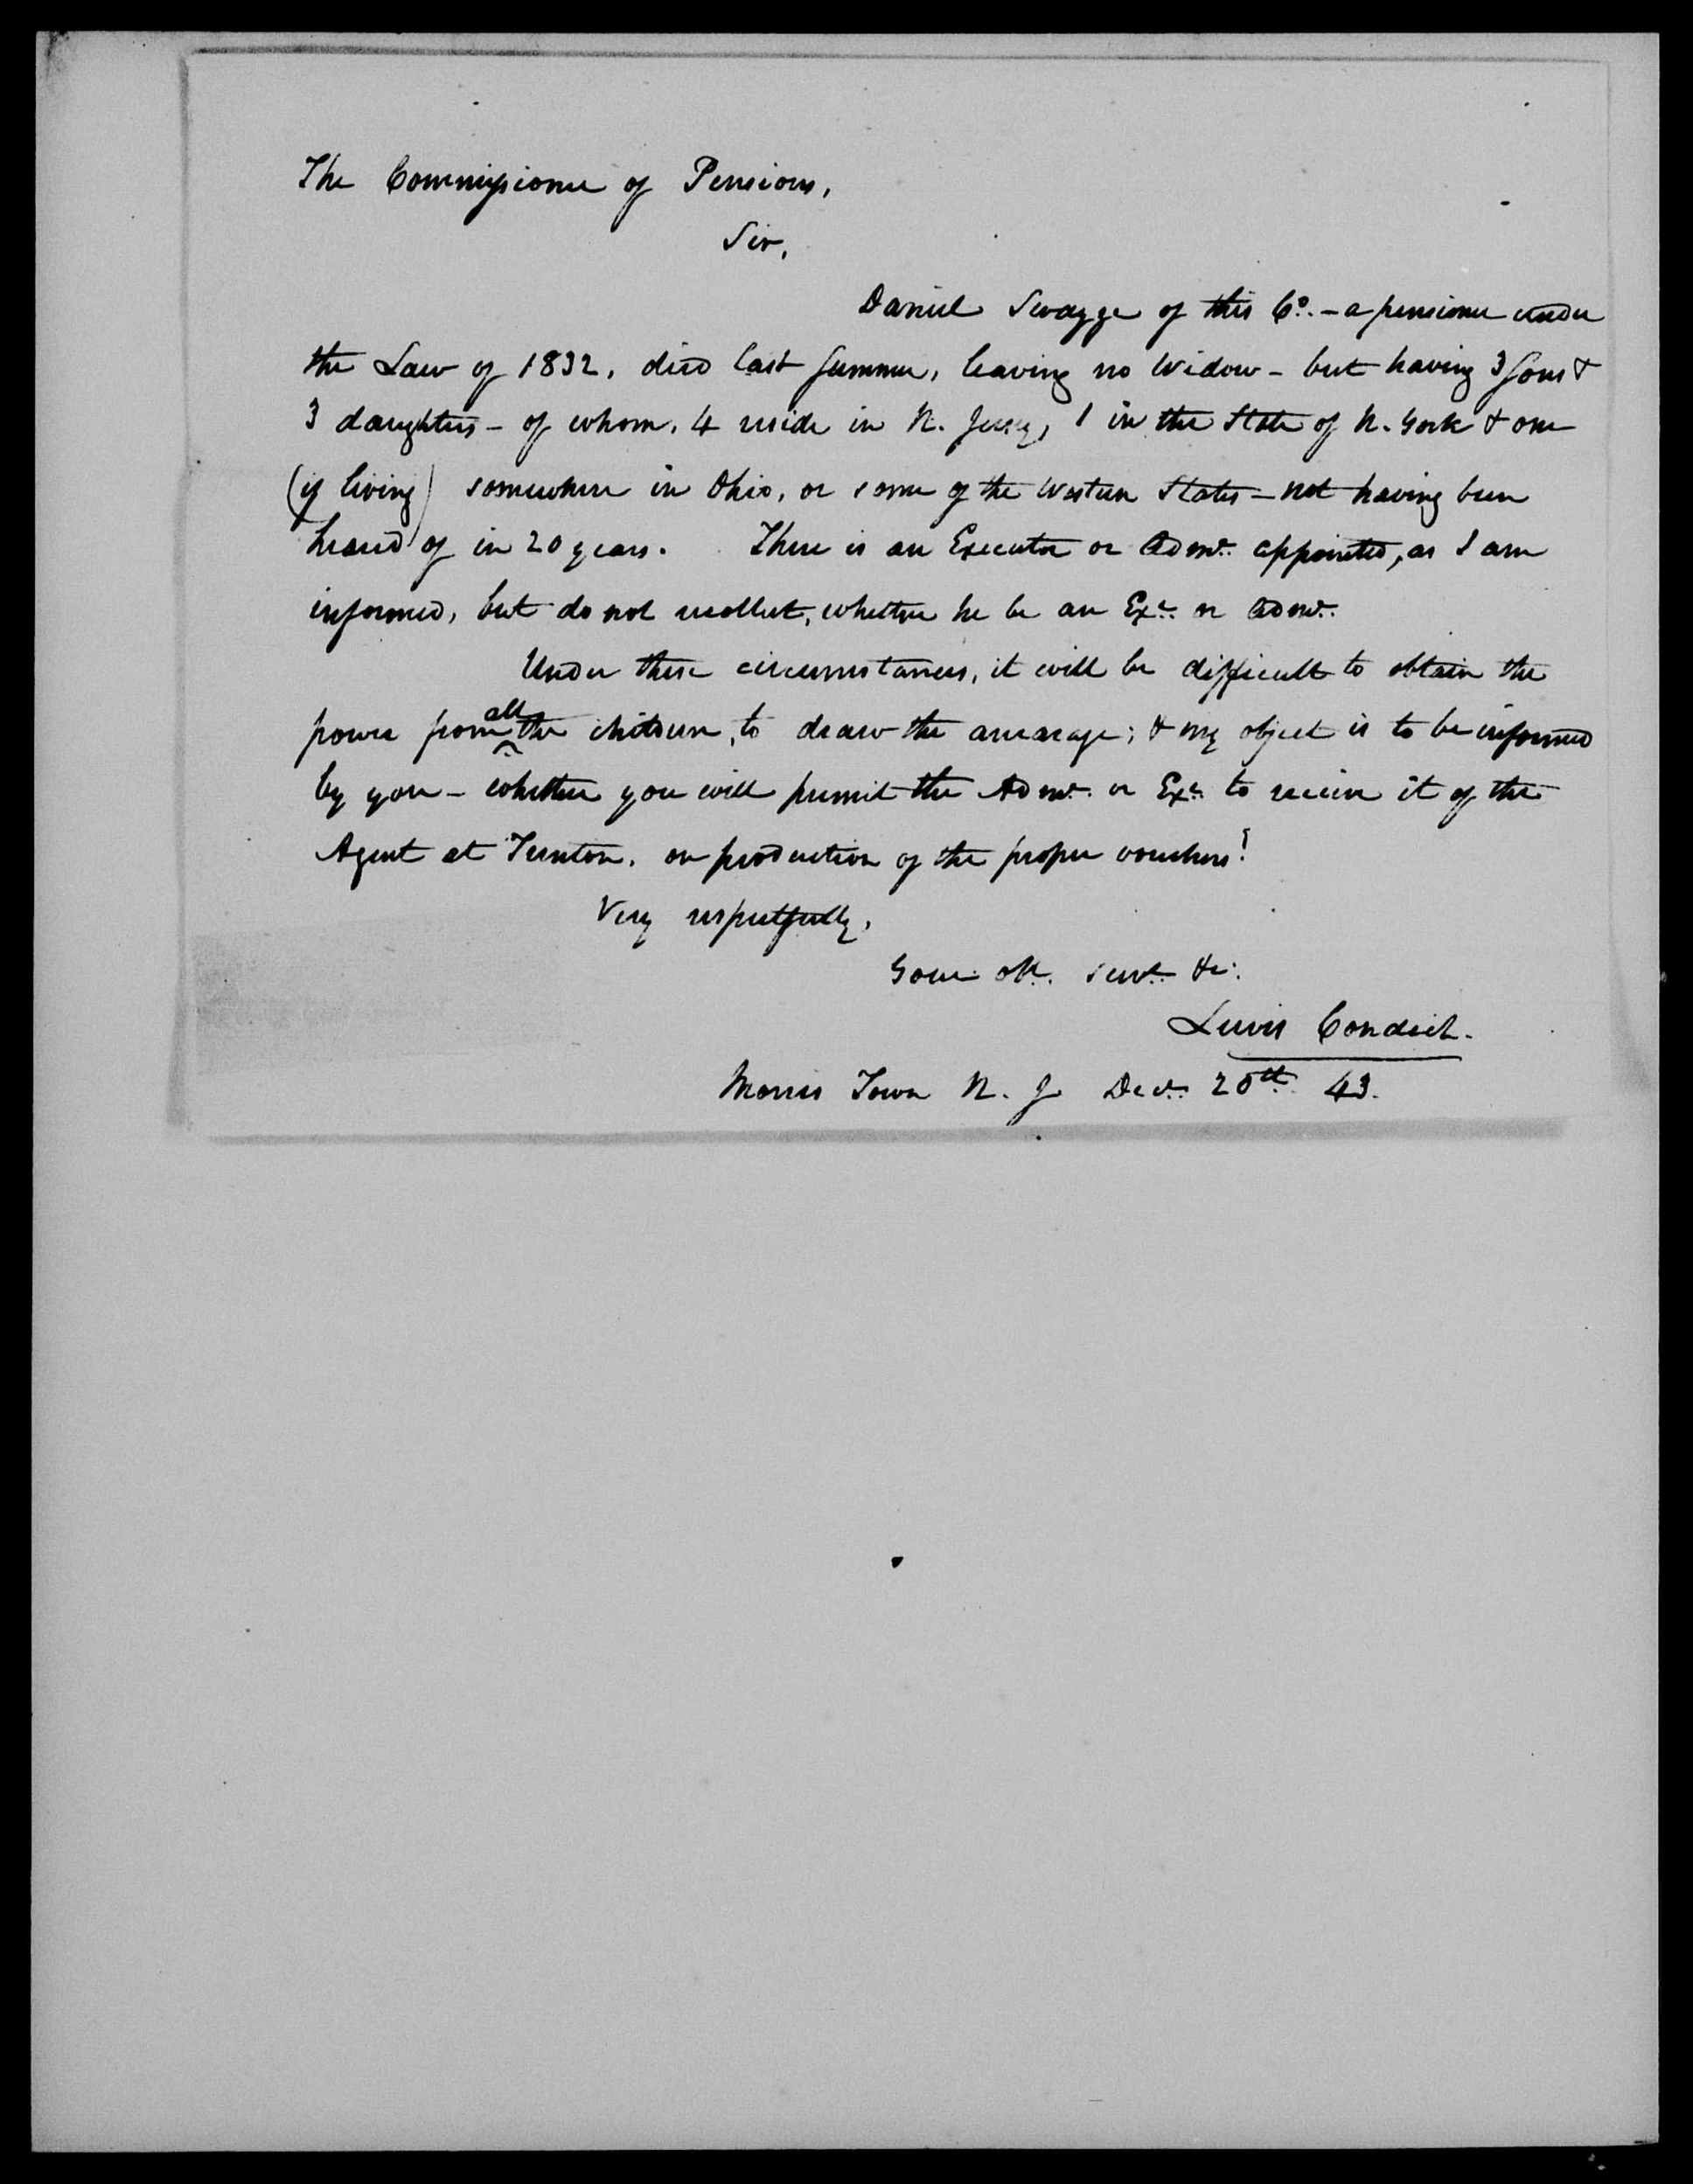The Commissioner of Pensions, 
Sir, 
Daniel Swayze of this Co a pensioner under the Law of 1832, did cast summoner, leaving no widow but having 3 Sons & 3 daughters of whom 4 reside in N. Jersey, 1 in the State of N York & one (is living) somewhere in Ohio, or some of the western States - not having been heard of in 20 years.  There is an executor or [illegible] appointed as I am informed, but do not  recollect whether he be an ex or [illegible]
Under these circumstances it will be difficult to obtain the power from all the children to draw the average, & my object is to be informed by you whether you will permit the [illegible] to recieve it if the agent Trenton, on production of the proper vouchers.

Very Respectfully,k 

Your Ob Servt
Lewis Condict
Morristown N.J. Dec 20th 43.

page: 19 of 20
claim: survivor's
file: S. 4911, for Daniel Swayze, New Jersey